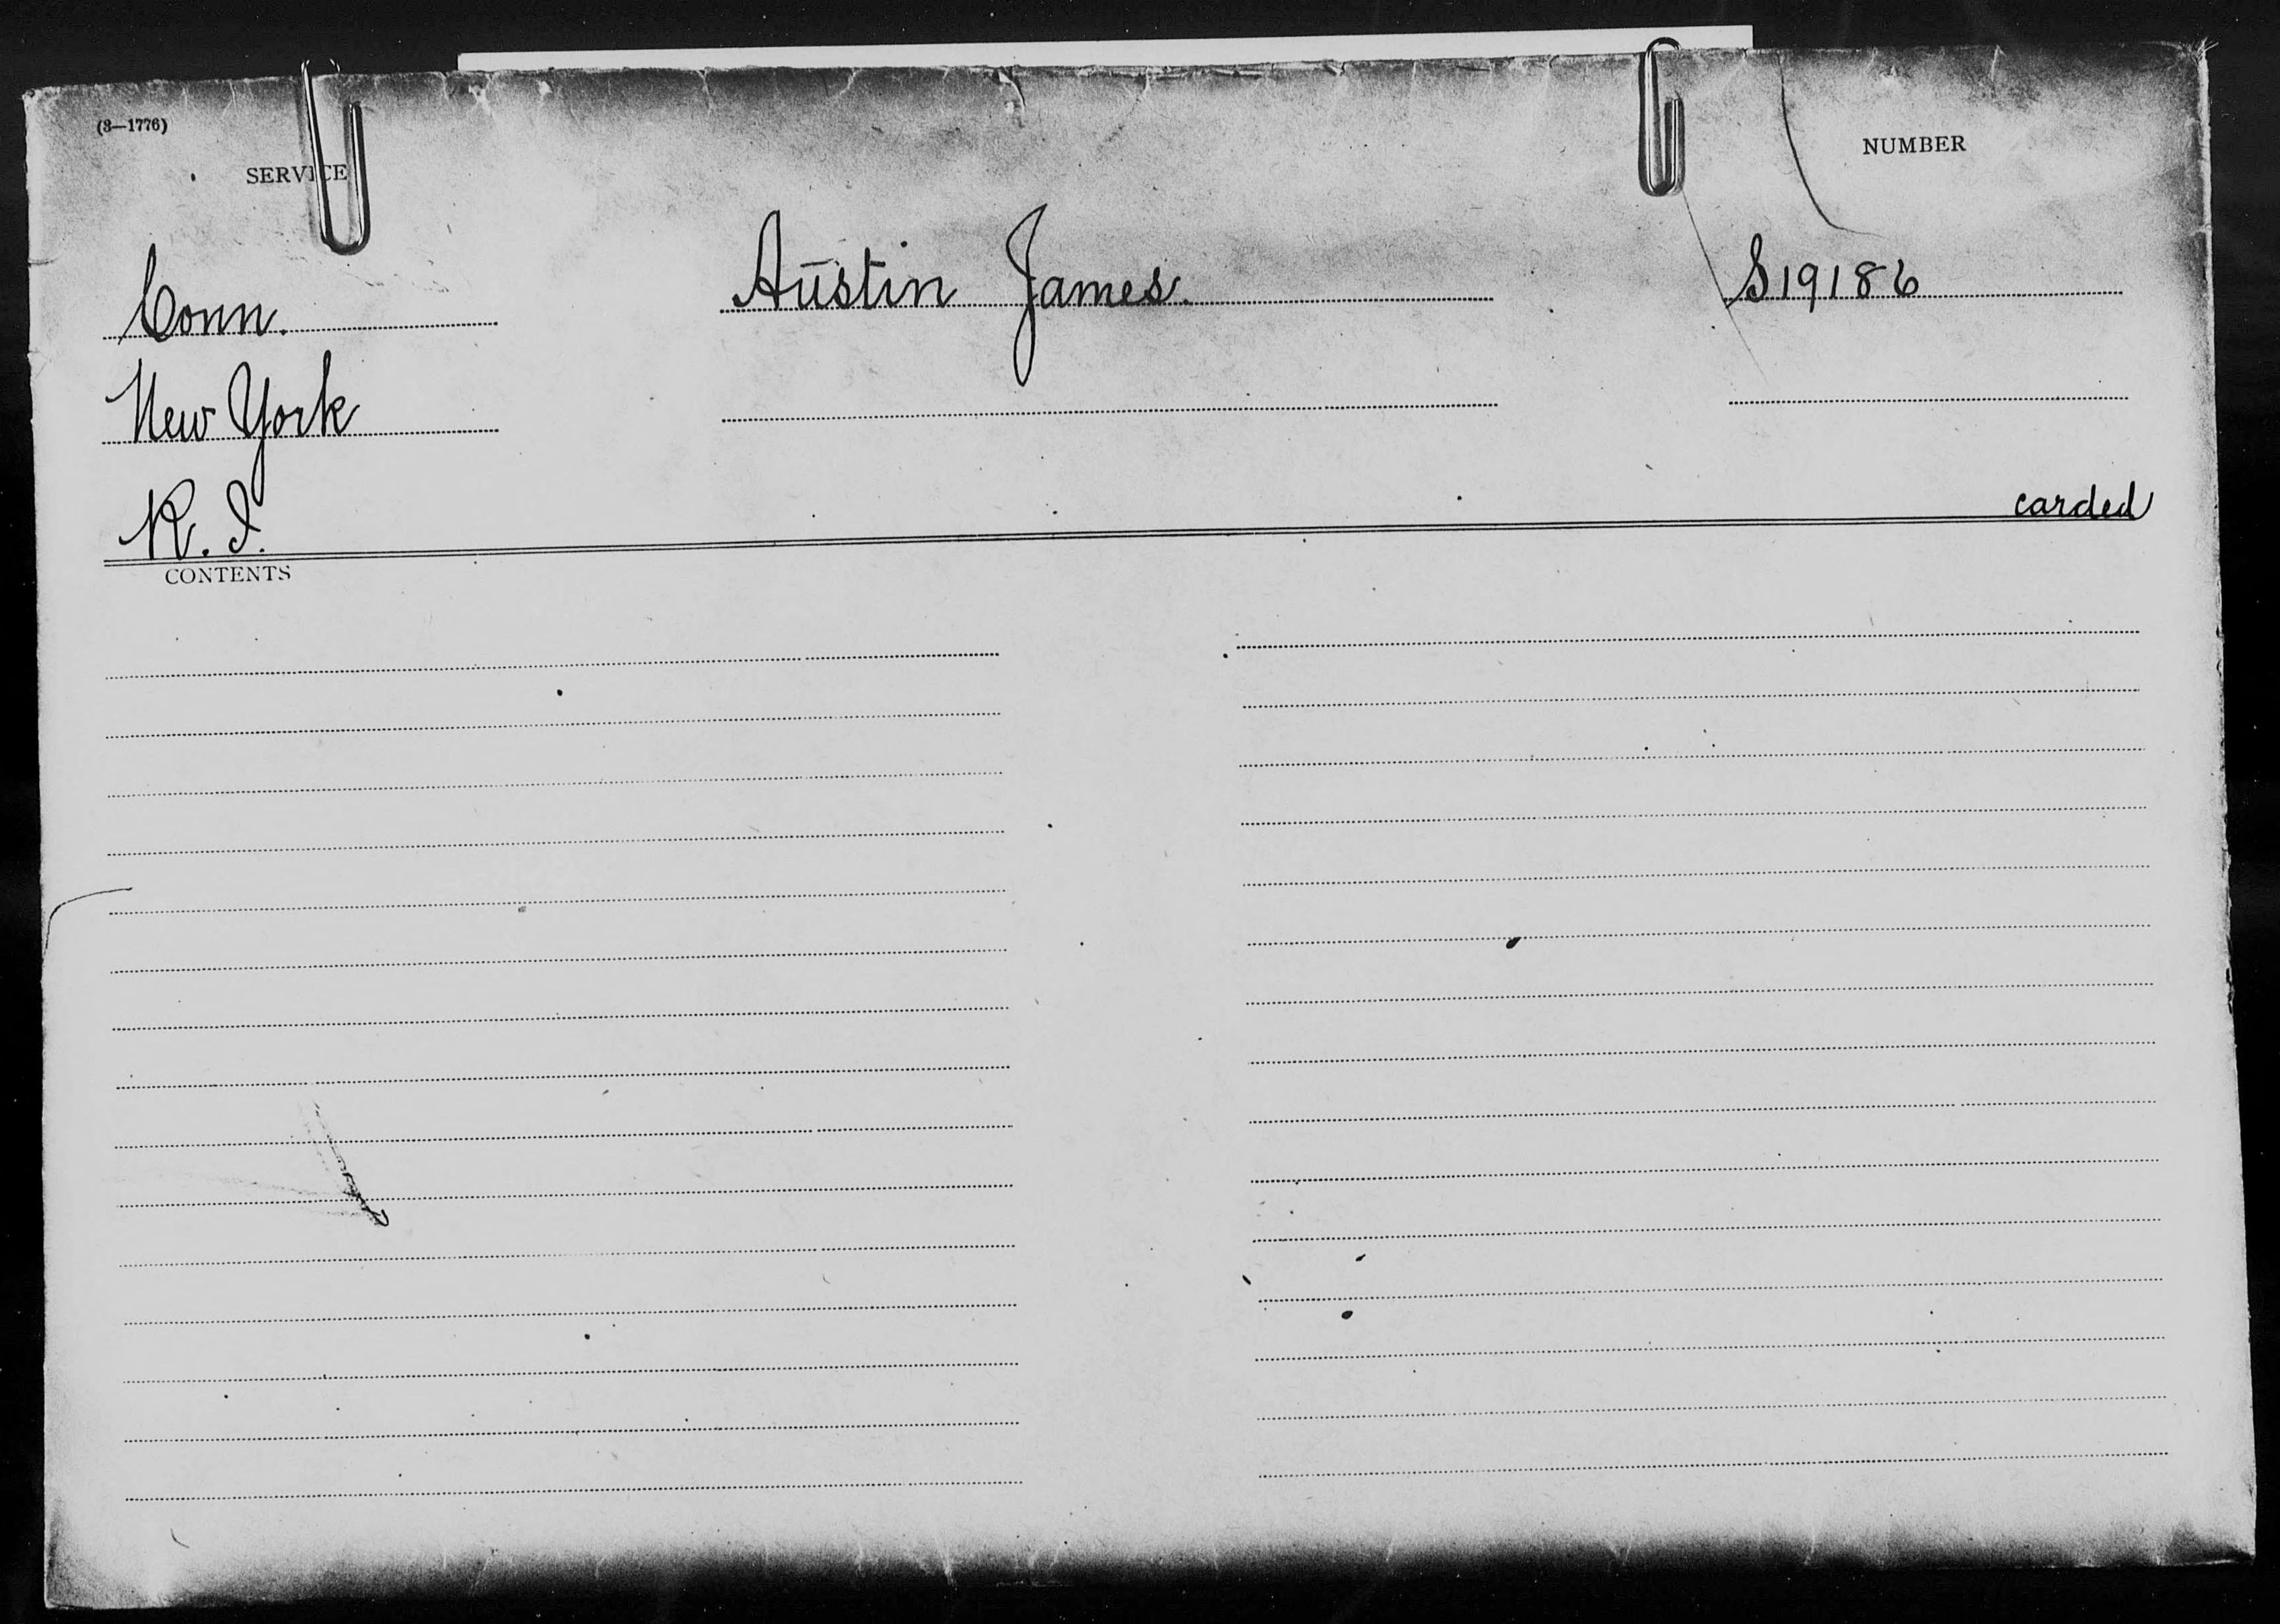Conn. 
New York
R.I.

Austin James                           S19186

carded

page: 1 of 100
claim: survivor's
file: S 19186, James Austin, Conn. New York R.I.